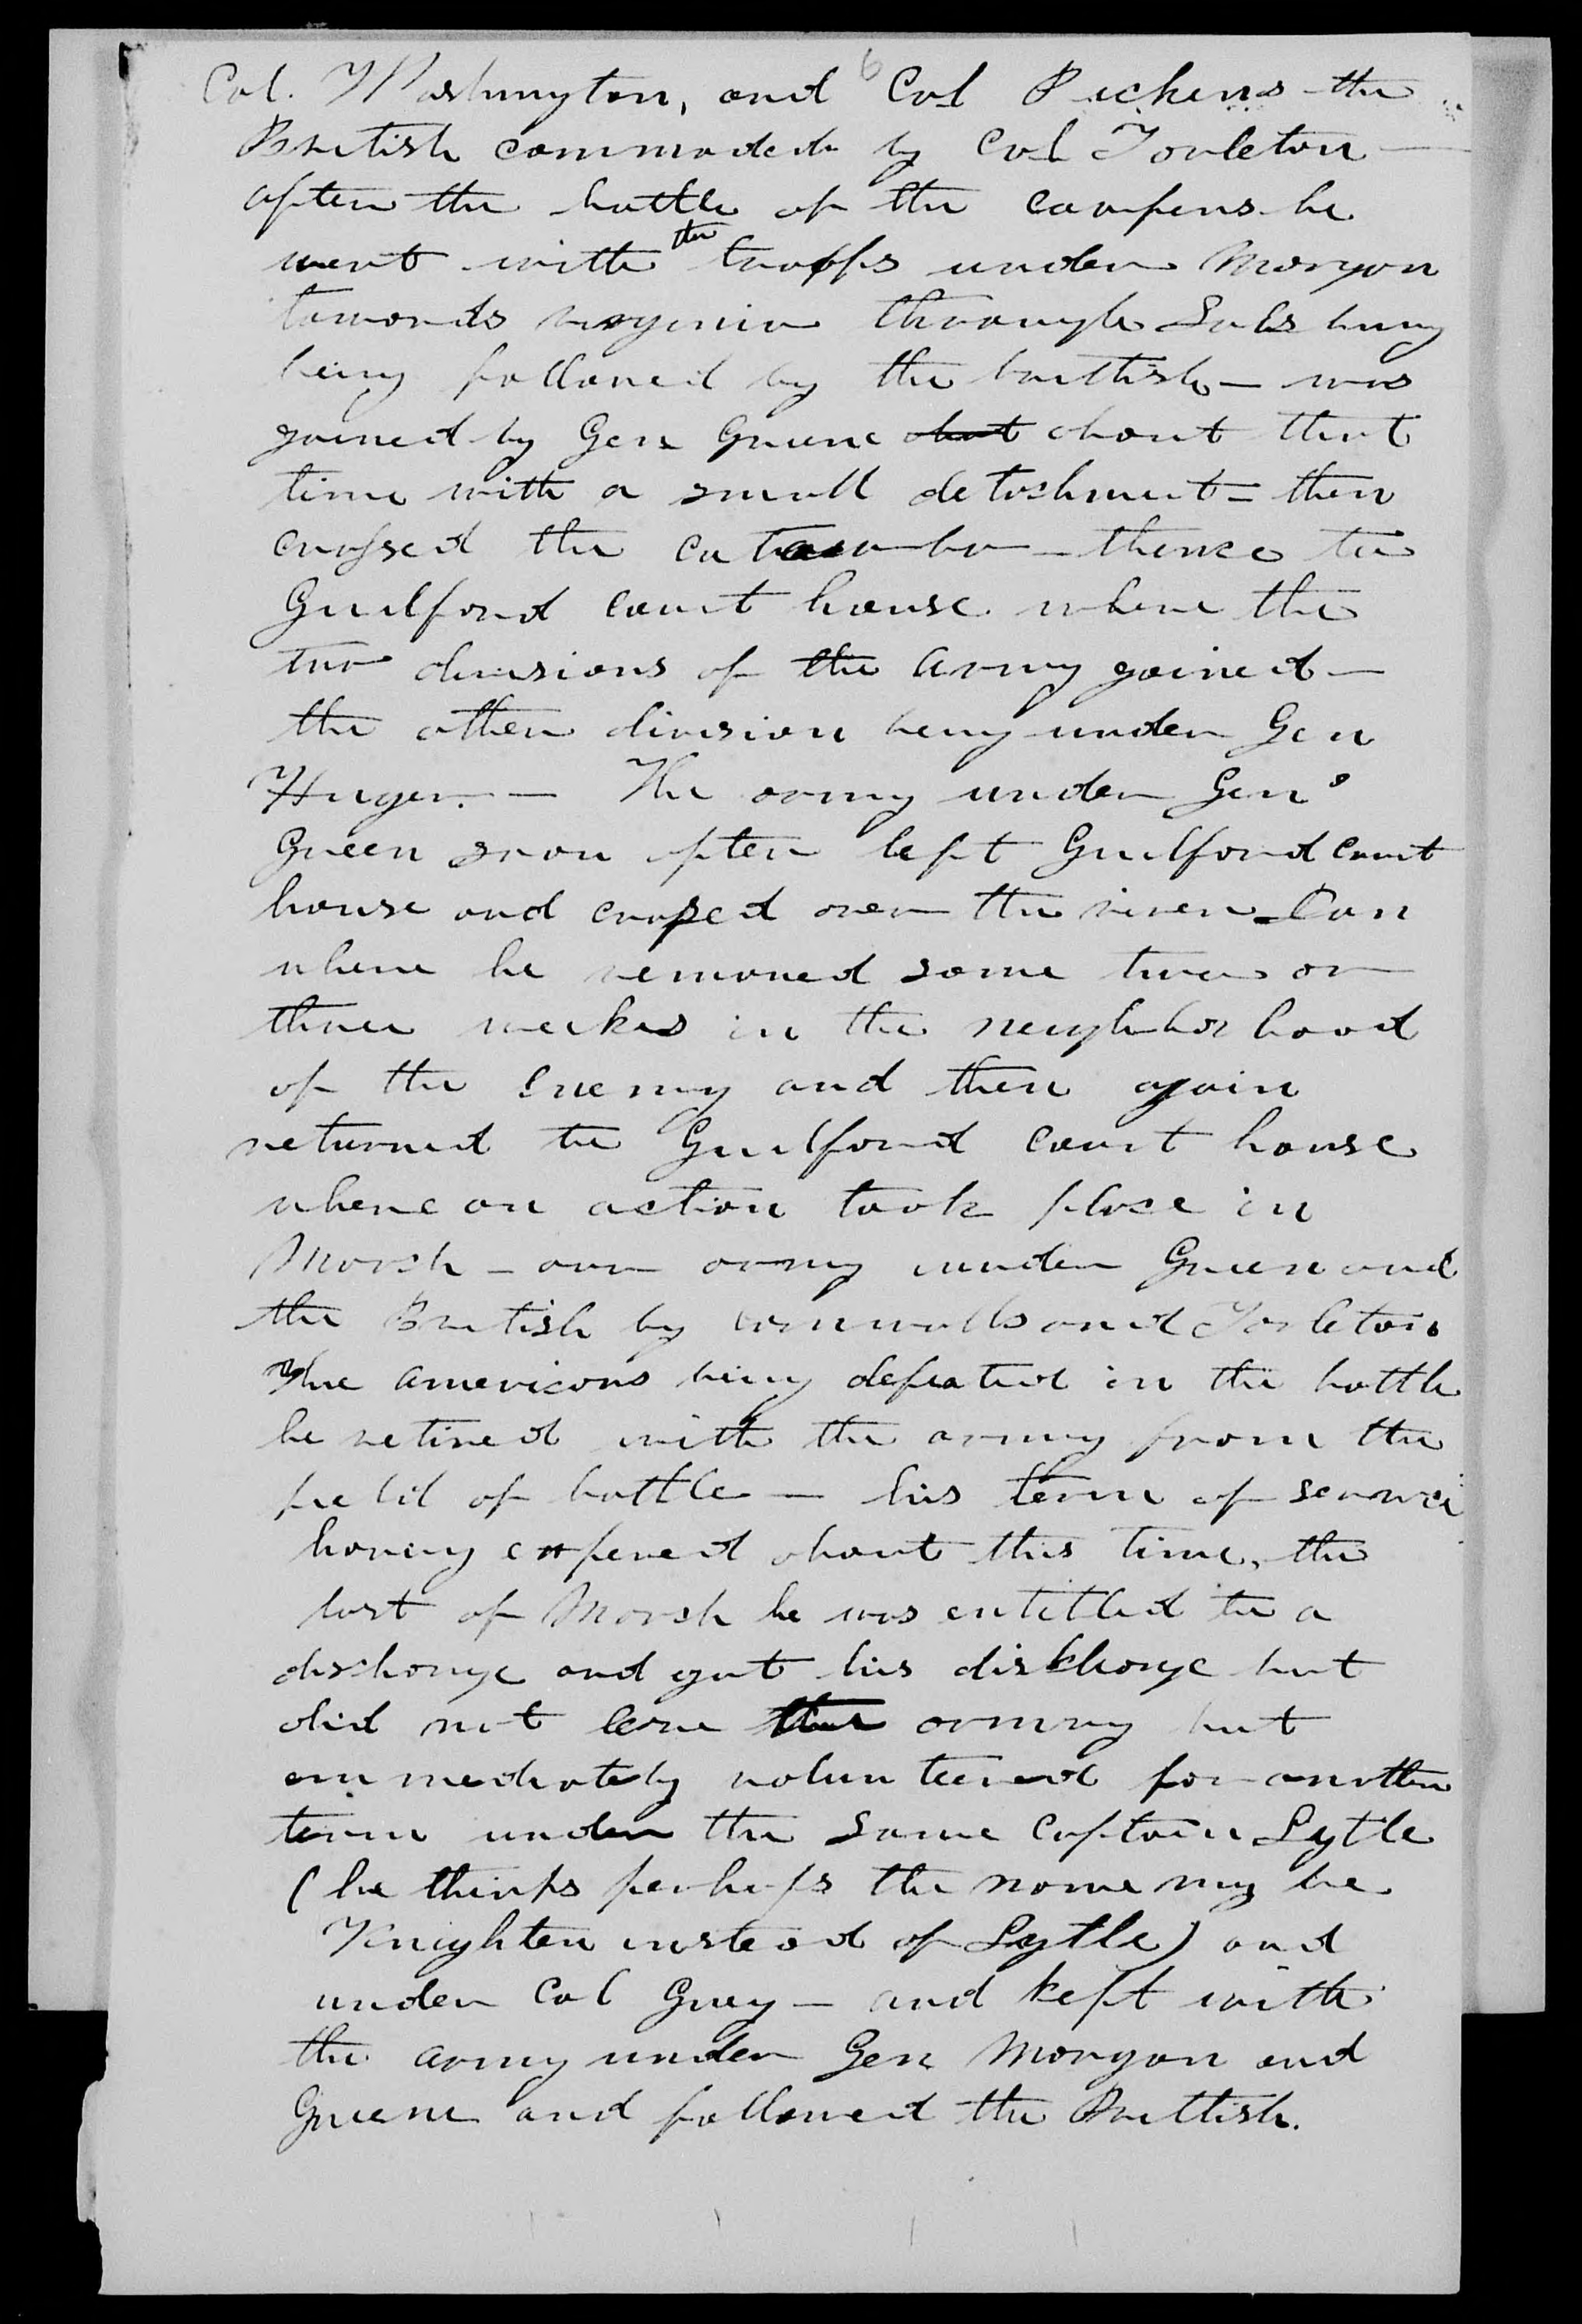Col. Washington, and Col Pickens the British commanded by Col Tarleton after the battle of the cowpens he went with the troops under Morgan towards Virginia through Salsbury being followed by the British - was joined by Gen Greene but about that time with a small detachment. then crossed the Catawba - thence to Guilford Court house where the two divisions of the Army joined the other division being under Gen Huger. The army under Gen Green soon after left Guilford Court house and crossed over the river [illegible Jin] where he remained some two or three weeks in the neighborhood of the enemy and their again returned to Guilford Court house where an action took place in March – [illegible one army] under Green and the British by Cornwalls at Tarleton The Americans being defeated in the battle he retired with the army from the field of battle-- his term of service having expired about this time, the last of March he was entitled to a discharge and got his discharge but did not leave the army but immediately volunteered for another term under the same Captain Lytle (he thinks perhaps the name may be Knighten instead of Lytle) and under Col Grey- and left with the army under Gen Morgan and Greene and followed the Brittish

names: [BLANK] Lytle; [BLANK] Pickens; [BLANK] Morgan; [BLANK] Knighten; [BLANK] Greene; [BLANK] Gray; [BLANK] Huger; [BLANK] Washington; [BLANK] Tarleton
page: 20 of 69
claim: widow's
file: W. 10861, for James Patterson, North Carolina